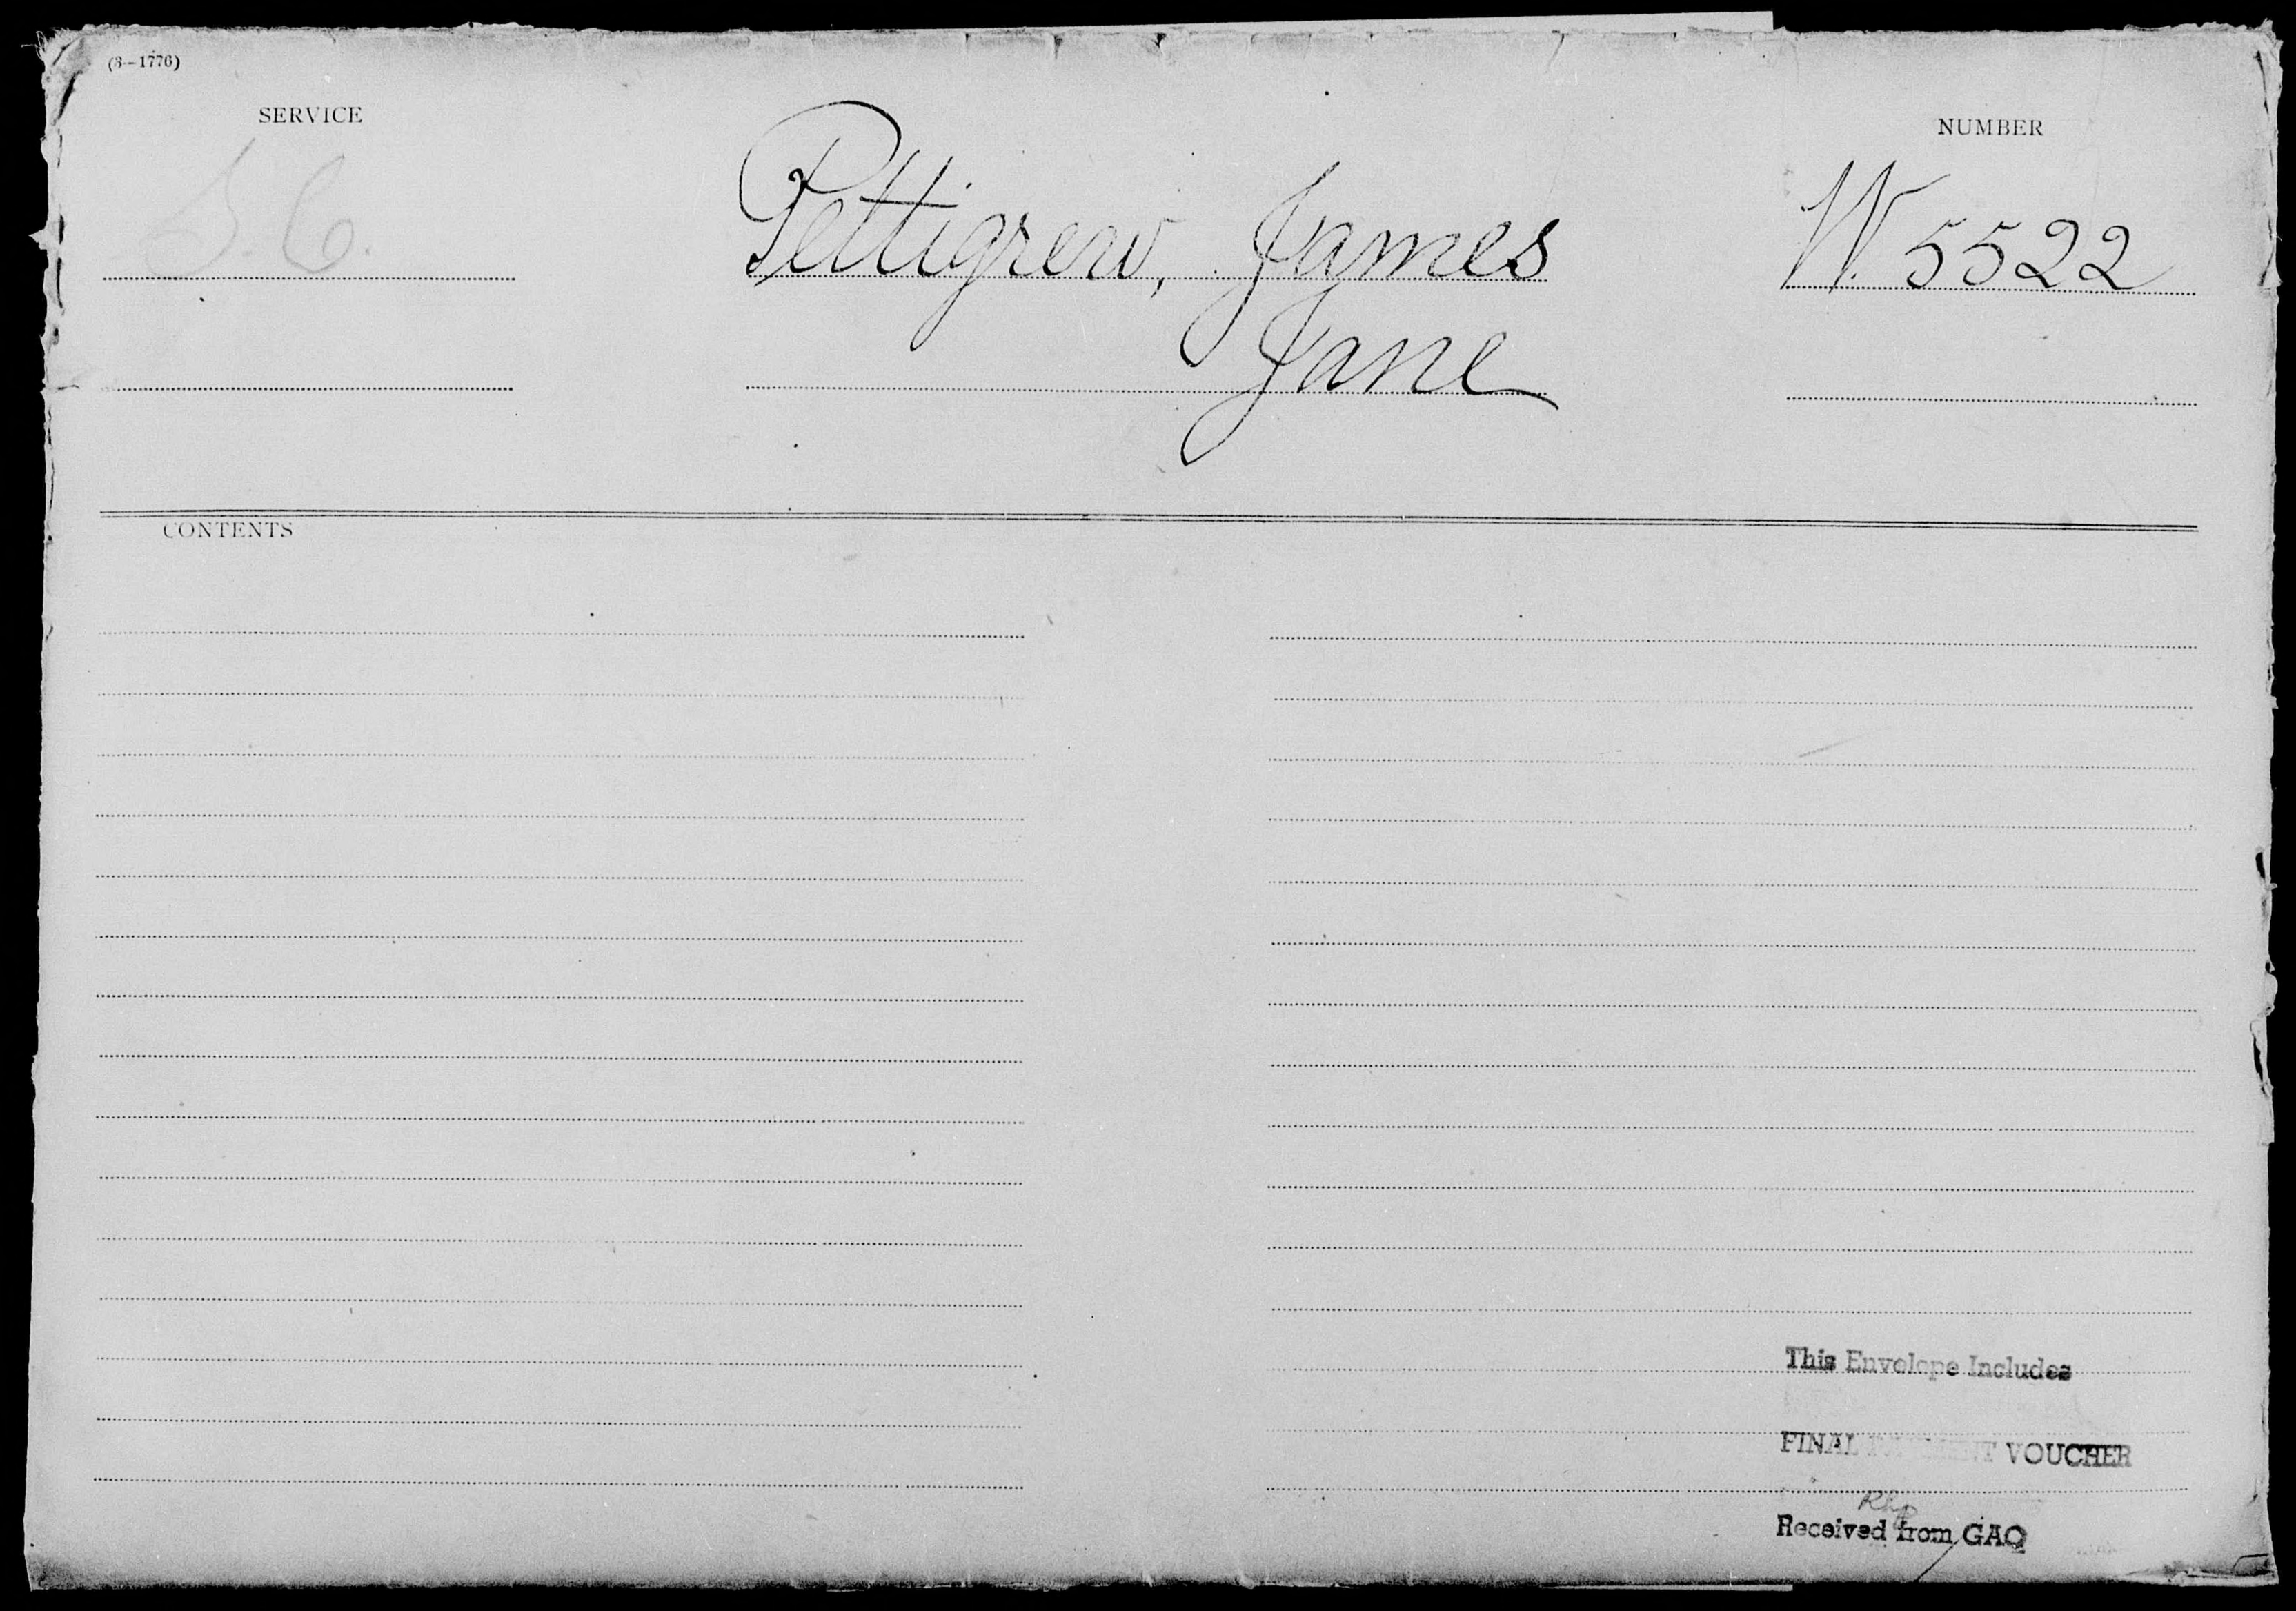S. C. Pettigrew, James W.5522
Jane

[Stamp Bottom Right] This Envelope Includes
FINAL [Illegible] VOUCHER
Received from GAO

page: 1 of 92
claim: widow's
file: W. 5522, for James Pettigrew, South Carolina